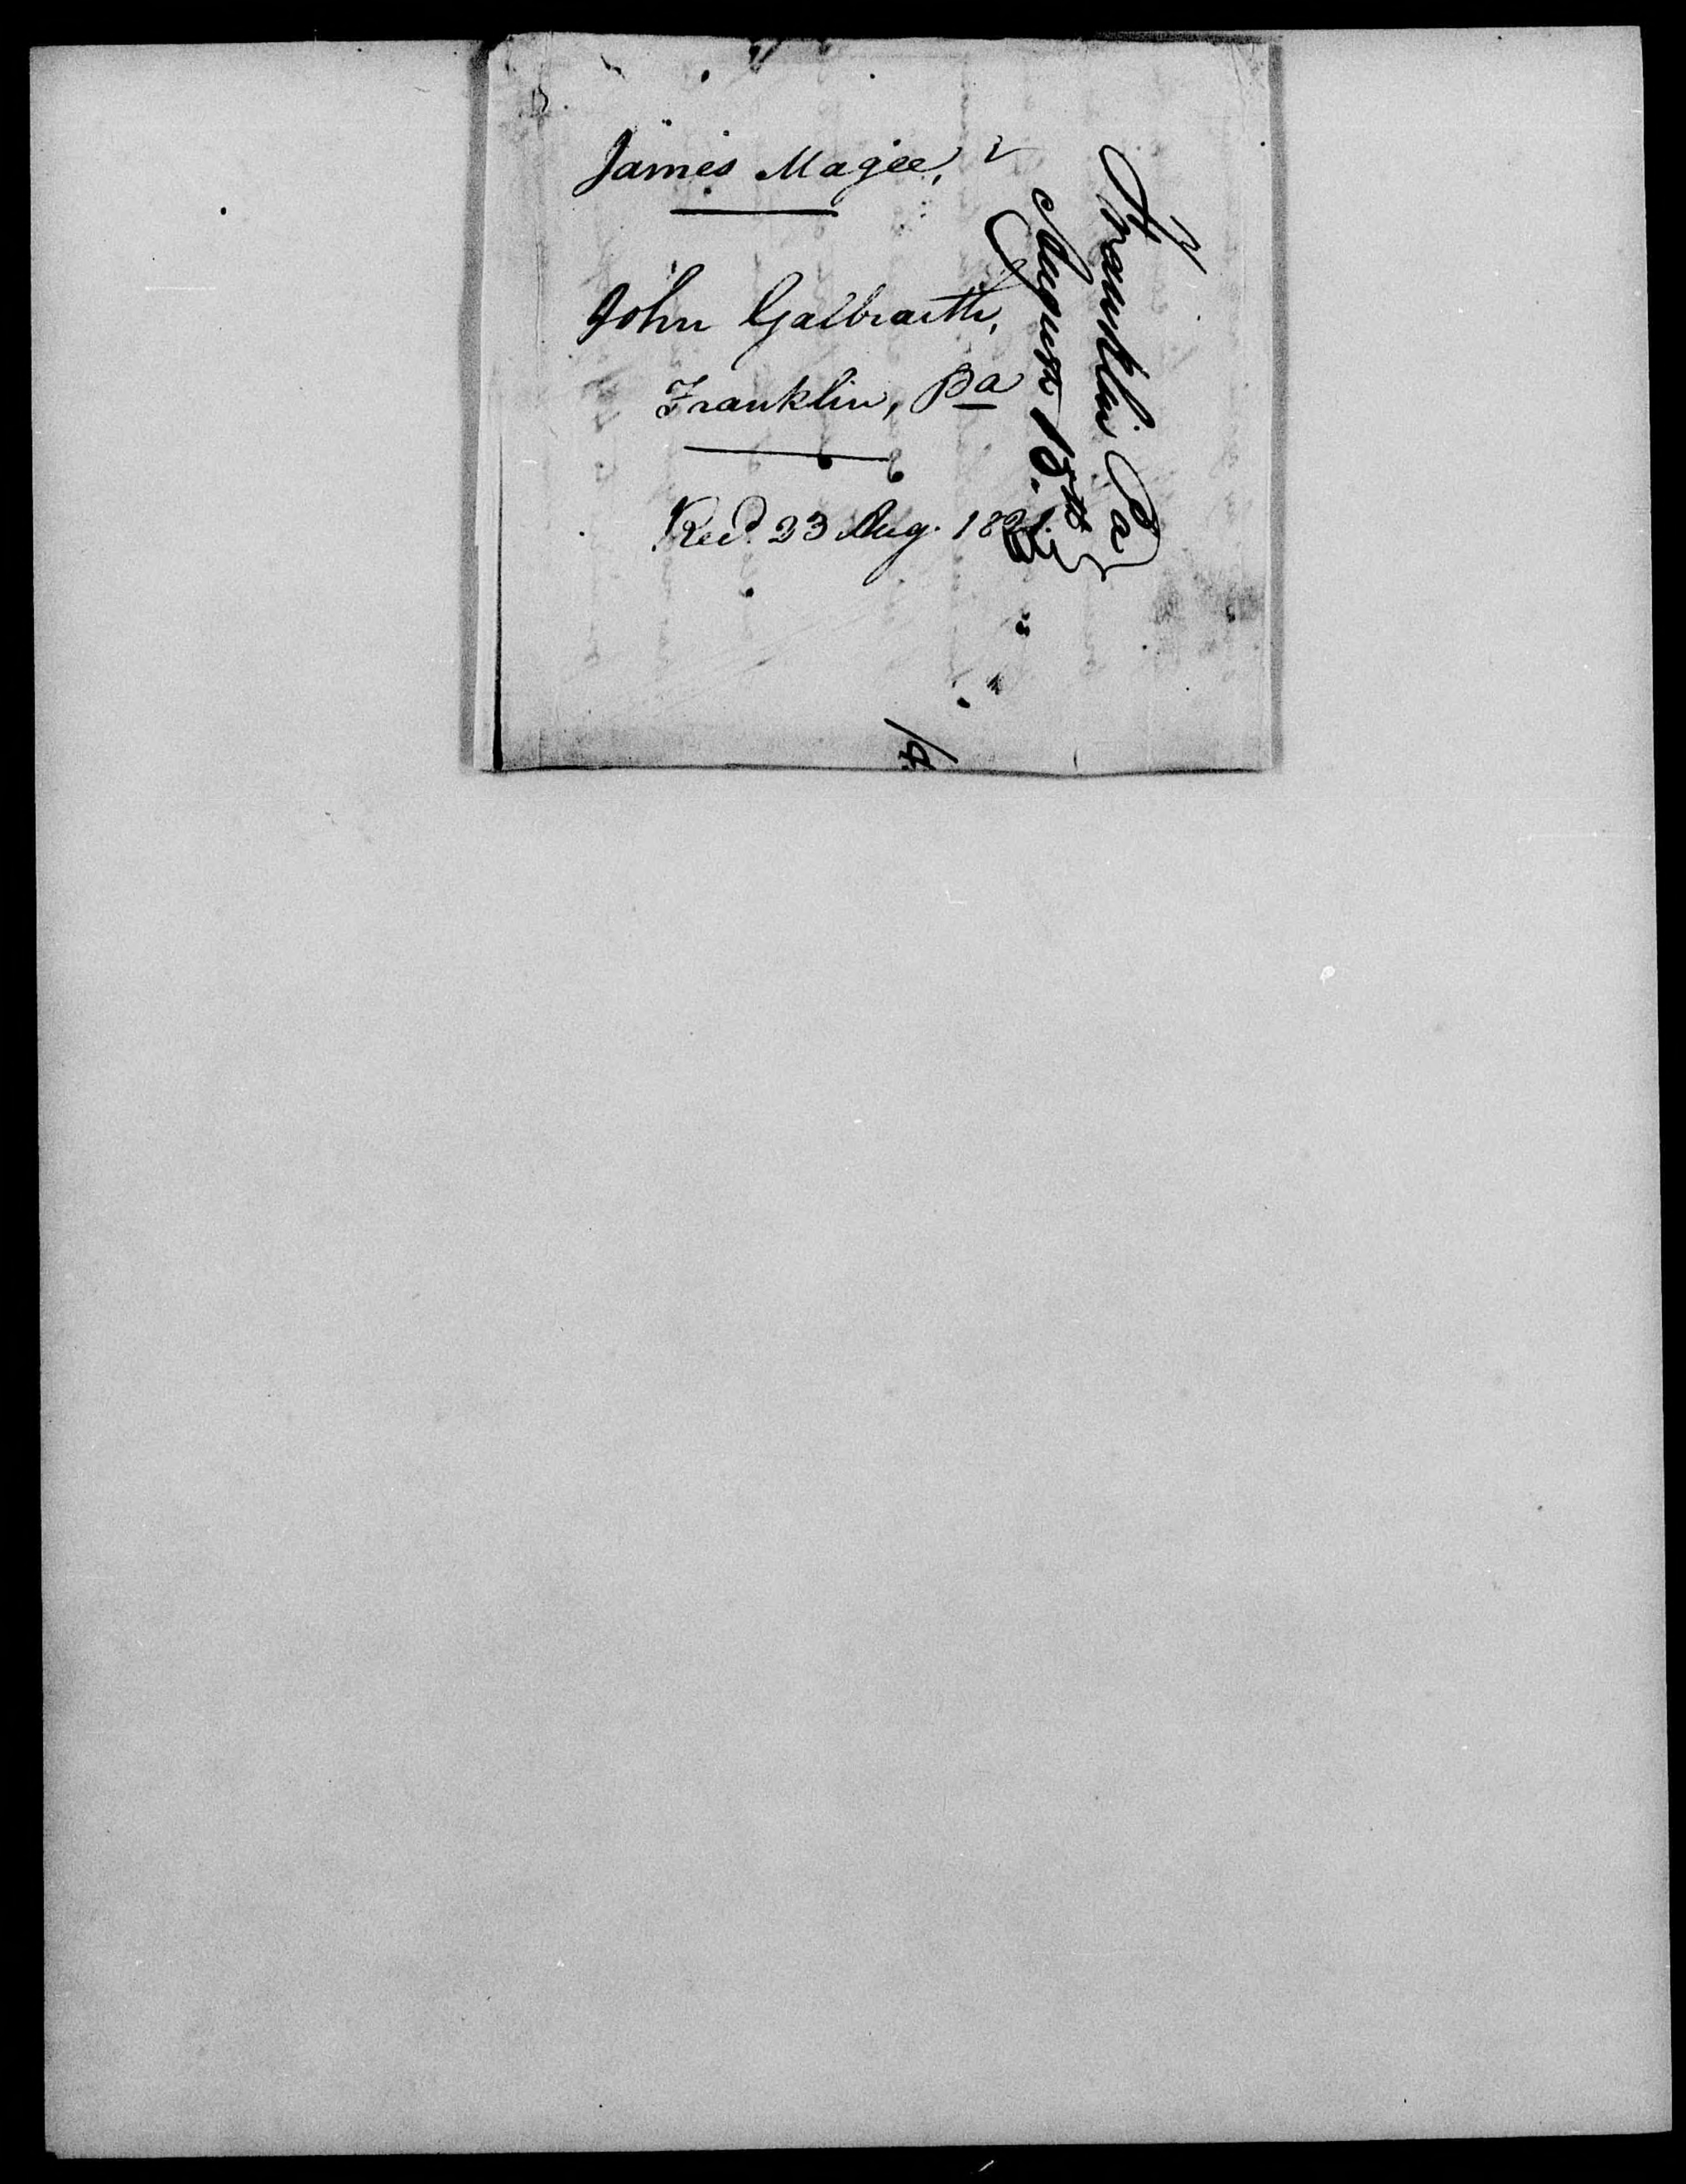James Magee (McGee)

John Galbraith
Franklin, Pa

Recd 23 Aug 1821

(vertical)

Franklin, Pa
August 15th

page: 34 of 77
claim: widow's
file: W 2954, for James Mc Gee, Delaware